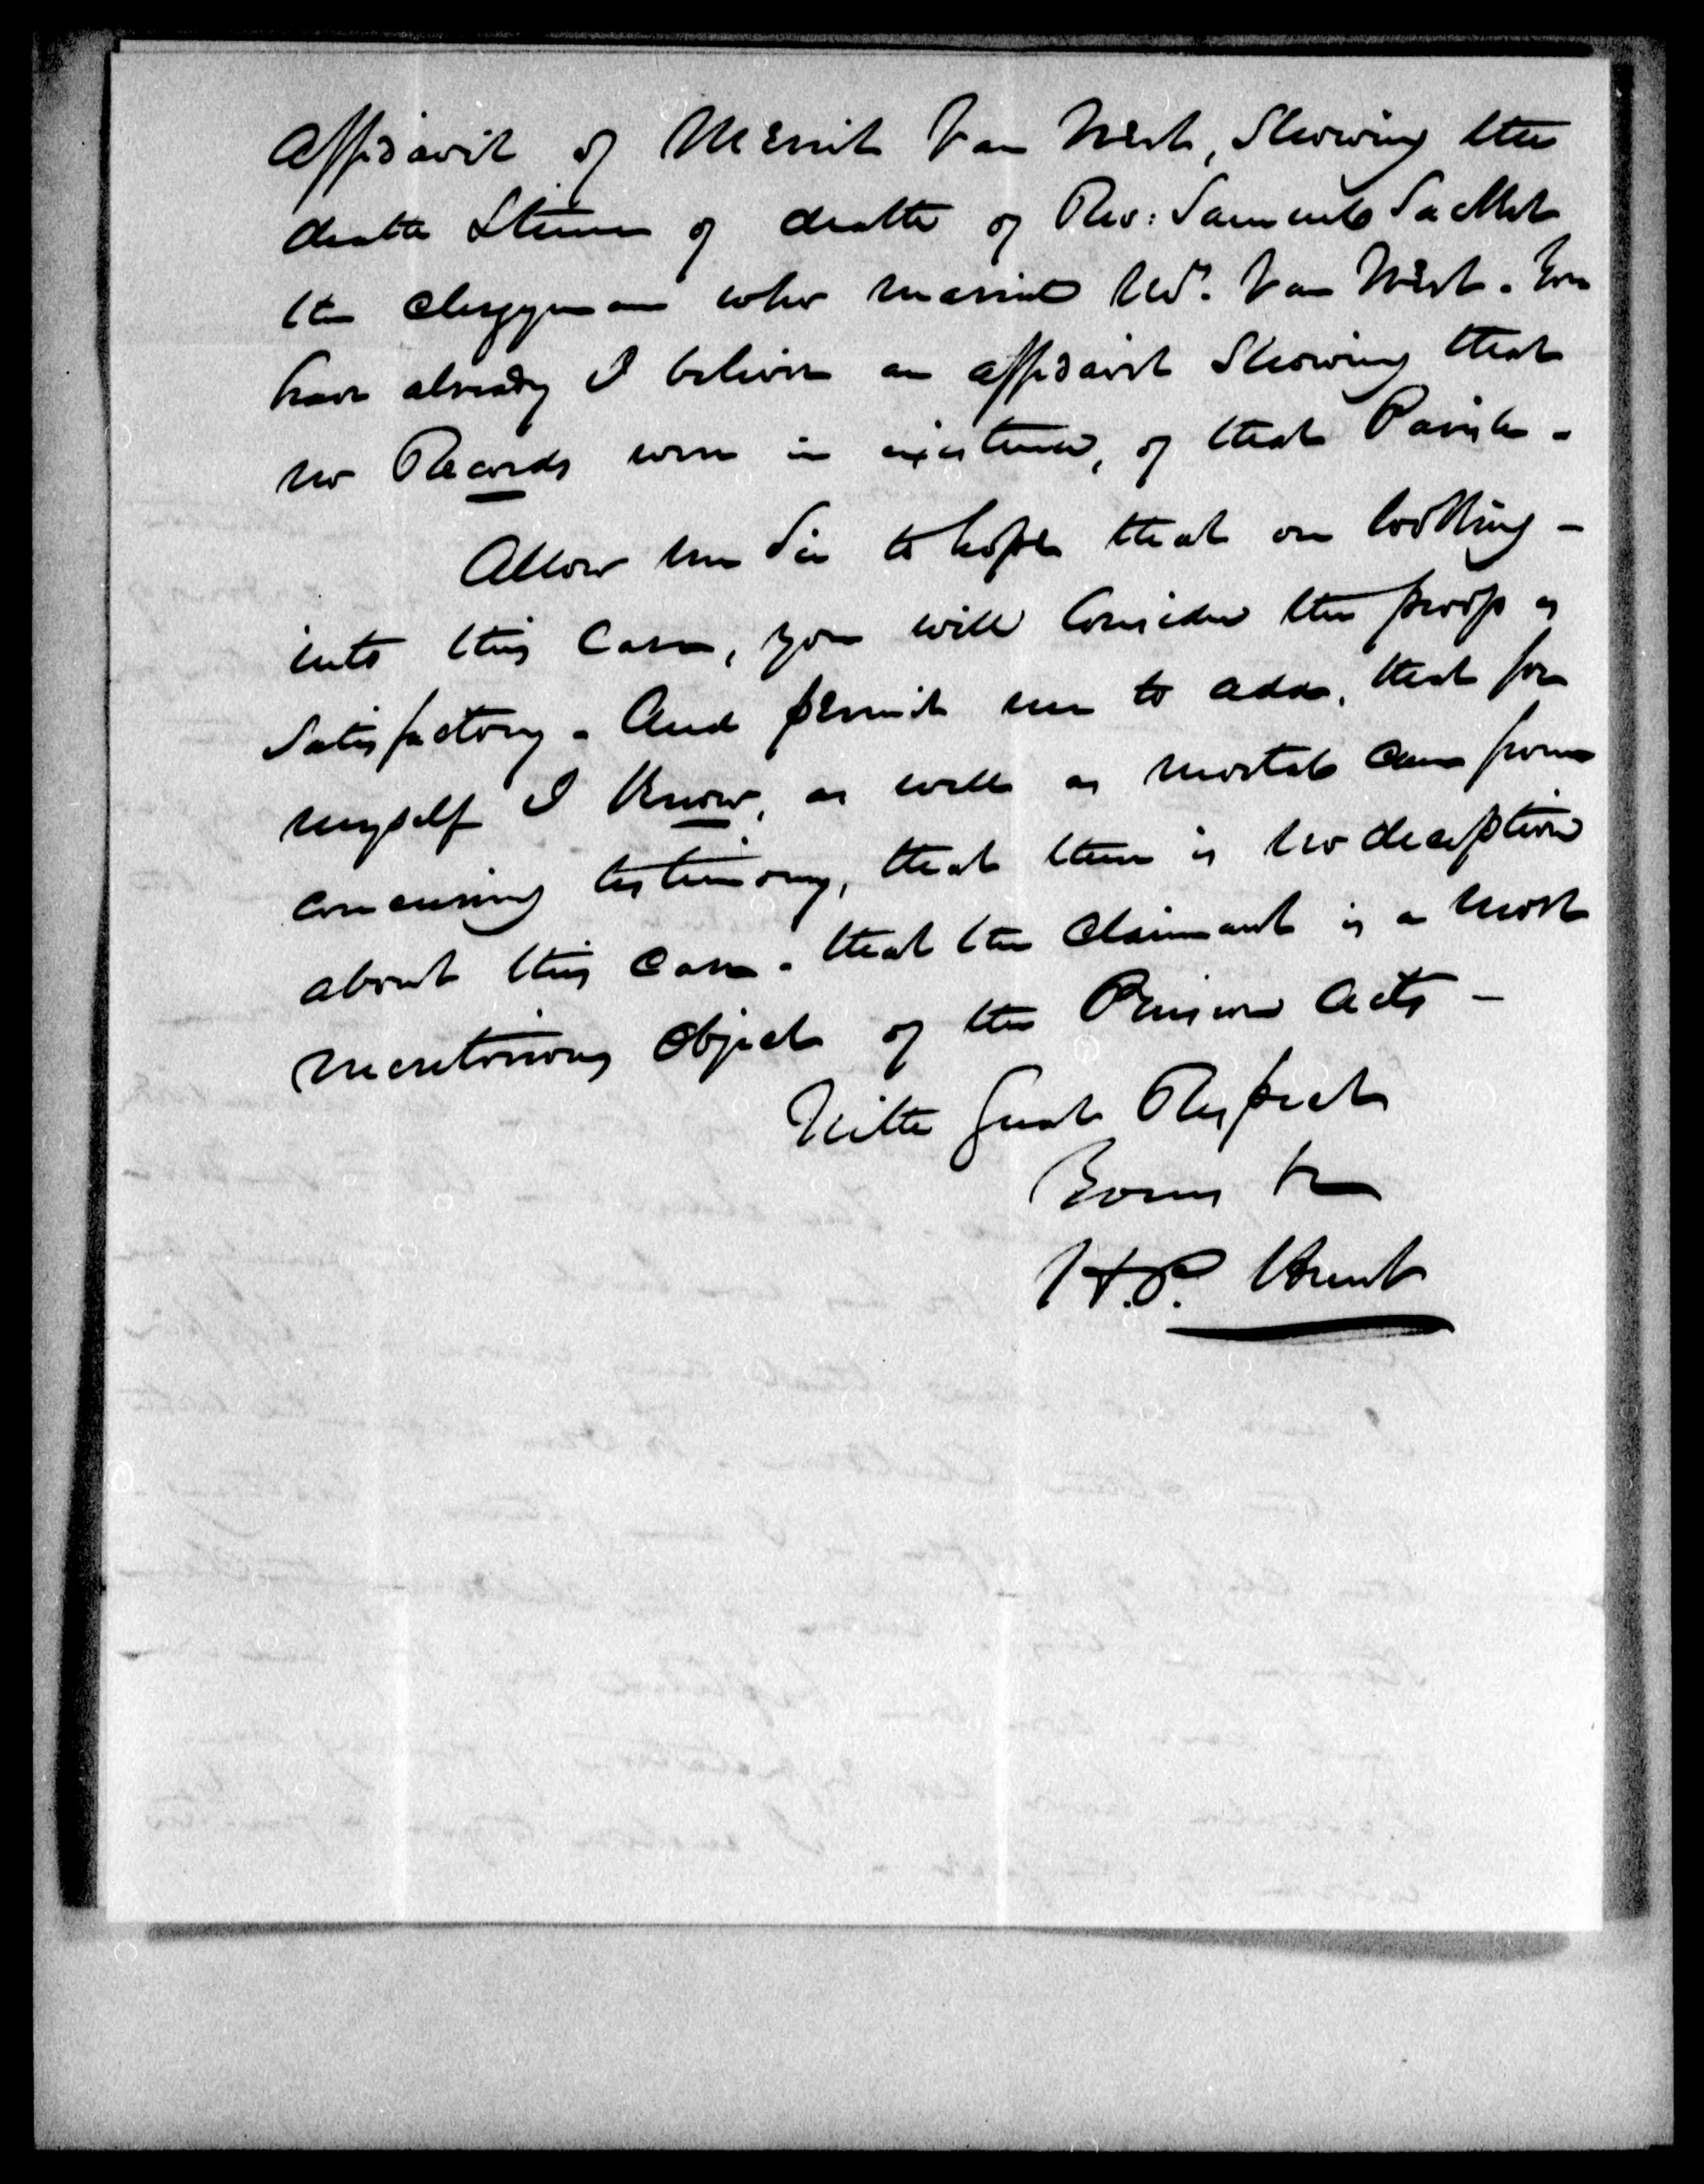affidavit of Merrit Van Wert, showing the date & time of death of Rev. Samuel Sacket the clergyman who married Revd Van Wert. You have already I believe an affidavit showing that no Records were in existence of that Parish 
Allow me Sir to hope that on looking into this case, you will consider the proof satisfactory, and permit me to add that for myself I know as well as mortal can from concurring testimony, that there is no deception about this case. that the claimant is a most meritorious object of the Pension acts -
With great Respect
Yours truly
[signed] H. P. Hunt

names: Merrit Van Wert, Van Wert, H P Hunt, Samuel Sacket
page: 57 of 102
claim: widow's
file: W. 18239, Isaac Van Wart, New York